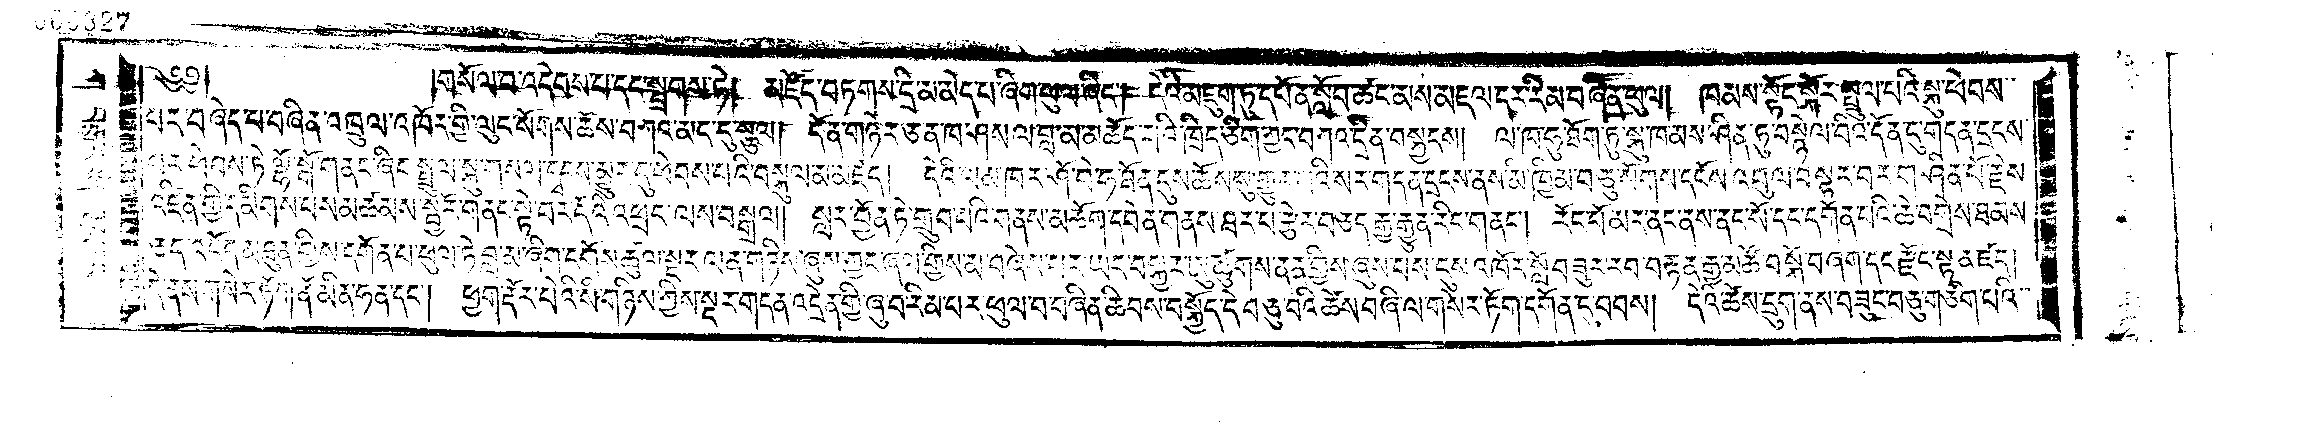༄༅། །གསོལ་བ་འདེབས་པ་དང་སྦྲགས་ཏེ། མཛོད་བཏགས་དྲི་མ་མེད་པ་ཞིག་ཕུལ་ཞིང་། དེའི་མཇུག་ཏུ་དཔོན་སློབ་ཚང་མས་མཇལ་དར་རིམ་བཞིན་ཕུལ། ཁམས་སྟོང་སྐོར་སྦྲུལ་པའི་སྐུ་ཕེབས་
པར་བཞེད་པ་བཞིན་འཁྲུལ་འཁོར་གྱི་ལུང་སོགས་ཆོས་བཀའ་མང་དུ་སྩལ། དོན་གཉེར་ཅན་ཁ་ཤས་ལ་བླ་མ་མཆོད་པའི་ཁྲིད་ཅིག་ཀྱང་བཀའ་དྲིན་བསྐྱངས། ལ་ཁ་ཧུ་ཐོག་ཏུ་སྐུ་ཁམས་ཤིན་ཏུ་བསྙེལ་བའི་དོན་དུ་གདན་དྲངས་
པར་ཕེབས་ཏེ་ལྷོ་སྒོ་གནང་ཞིང་སྤྲུལ་སྐུ་གསལ་དྭངས་མྱུར་དུ་ཕེབས་པའི་བསྐུལ་མ་མཛད། དེའི་ལམ་ཁར་ཤོ་བེ་ཧ་ཐོན་དུས་ཆོས་སུ་གྱུར་པའི་སར་གདན་དྲངས་ནས་མི་ཁྱིམ་བཅུ་སོགས་དངོས་འབུལ་བསྟར་བར་གཤིན་པོ་རྗེས་
འཛིན་གྱི་དམིགས་པས་མཚམས་སྦྱོར་གནང་སྟེ་བར་དོའི་འཕྲང་ལས་བསྒྲལ། སླར་བྱོན་ཏེ་གྲུབ་པའི་གནས་མཆོག་དབེན་གནས་ཐར་པ་རྩེར་བཅད་རྒྱ་རྒྱུན་རིང་གནང་། རོང་པོ་མར་ནང་ནས་ནང་སོ་དང་དགོན་པའི་ཆེ་བགྲེས་ཐམས་
ཅད་འདོད་མཐུན་གྱིས་དགོན་པ་ཕུལ་ཏེ་བླ་མ་ཞིག་དགོས་ཚུལ་སྔར་ལན་གཉིས་ཞུས་ཀྱང་ཞལ་གྱིས་མ་བཞེས་པར་ཡང་བསྐྱར་ཨུ་ཚུགས་ནན་གྱིས་ཞུས་པས་དུས་འཁོར་སློབ་ཟུར་རབ་བརྟན་རྒྱ་མཚོ་བསྐོ་བཞག་དང་རྫོང་སྟ་མཛད།
དེ་ནས་གསེར་ཏོག་ནོ་མིན་ཧན་དང་། ཕྱག་རྡོར་པེའི་སི་གཉིས་ཀྱིས་སྔར་གདན་འདྲིན་གྱི་ཞུ་བ་རིམ་པར་ཕུལ་བ་བཞིན་ཆིབས་བསྐྱོད་དེ་བཅུ་པའི་ཚེས་བཞི་ལ་གསེར་ཏོག་དགོན་དུ་བབས། དེའི་ཚེས་དྲུག་ནས་བཟུང་བཅུ་གཅིག་པའི་